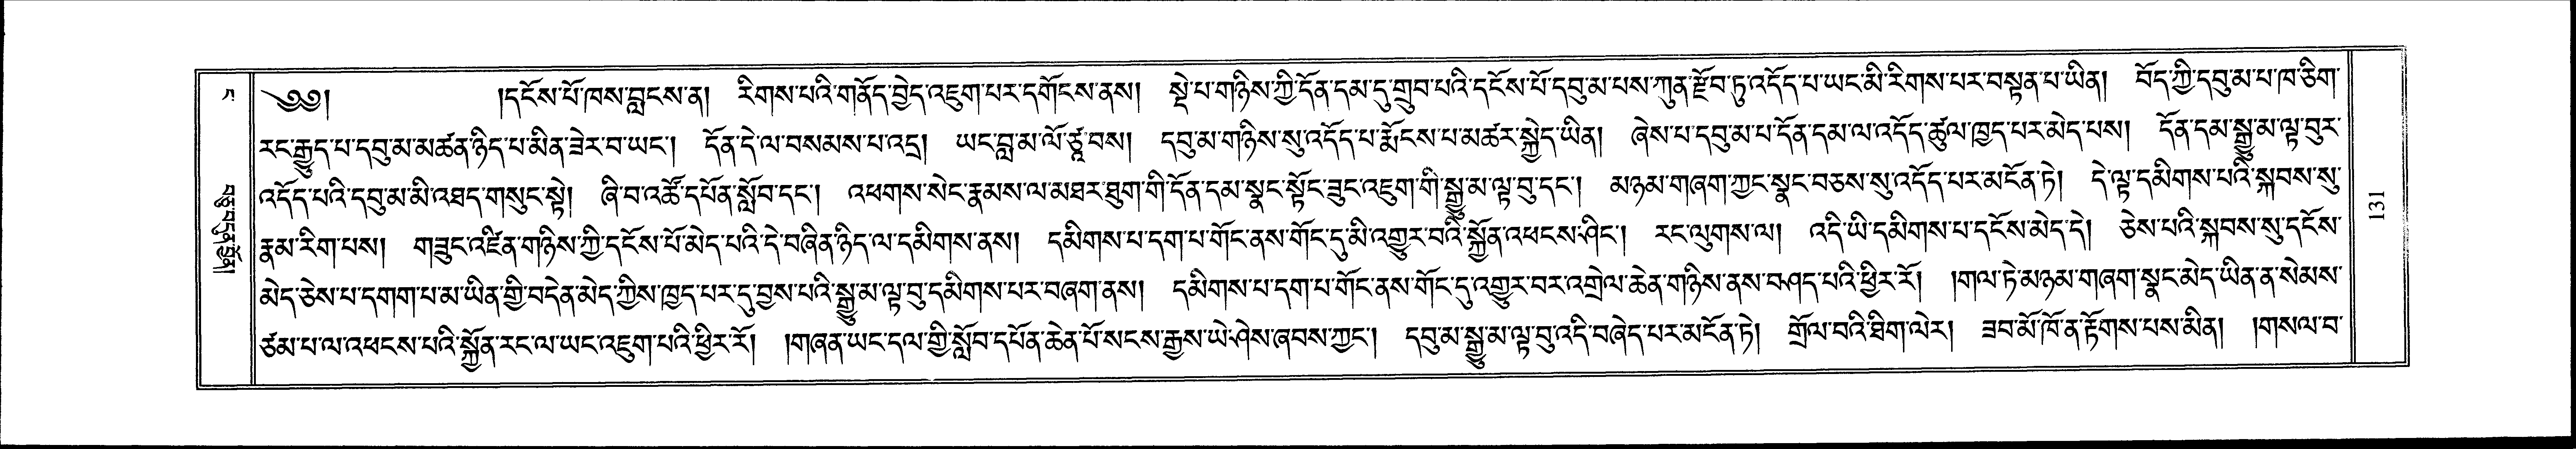༄༅། །དངོས་པོ་ཁས་བླངས་ན། རིགས་པའི་གནོད་བྱེད་འཇུག་པར་དགོངས་ནས། སྡེ་པ་གཉིས་ཀྱི་དོན་དམ་དུ་གྲུབ་པའི་དངོས་པོ་དབུ་མ་པས་ཀུན་རྫོབ་ཏུ་འདོད་པ་ཡང་མི་རིགས་པར་བསྟན་པ་ཡིན། བོད་ཀྱི་དབུ་མ་པ་ཁ་ཅིག་
རང་རྒྱུད་ཨ་དབུ་མ་མཚན་ཉིད་པ་མིན་ཟེར་བ་ཡང་། དོན་དེ་ལ་བསམས་པ་འདྲ། ཡང་བླ་མ་ལོ་ཙཱ་བས། དབུ་མ་གཉིས་སུ་འདོད་པ་རྨོངས་པ་མཚར་སྐྱེད་ཡིན། ཞེས་པ་དབུ་མ་པ་དོན་དམ་ལ་འདོད་ཚུལ་ཁྱད་པར་མེད་པས། དོམ་དམ་སྒྱུ་མ་ལྟ་བུར་
འདོད་པའི་དབུ་མ་མི་འཐད་གསུང་སྟེ། ཞི་བ་འཚོ་དཔོན་སློབ་དང་། འཕགས་སེང་རྣམས་ལ་མཐར་ཐུག་གི་དོན་དམ་སྣང་སྟོང་ཟུང་འཇུག་གི་སྒྱུ་མ་ལྟ་བུ་དང་། མཉམ་གཞག་ཀྱང་སྣང་བཅས་སུ་འདོད་པར་མངོན་ཏེ། དེ་ལྟ་དམིགས་པའི་སྐབས་སུ་
རྣམ་རིག་པས། གཟུང་འཛིན་གཉིས་ཀྱི་དངོས་པོ་མེད་པའི་དེ་བཞིན་ཉིད་ལ་དམིགས་ནས། དམིགས་པ་དག་པ་གོང་ནས་གོང་དུ་མི་འགྱུར་པའི་སྐྱོན་འཕངས་ཤིང་། རང་ལུགས་ལ། འདི་ཡི་དམིགས་པ་དངོས་མེད་དེ། ཅེས་པའི་སྐབས་སུ་དངོས་
མེད་ཅེས་པ་དགག་པ་མ་ཡིན་གྱི་བདེན་མེད་ཀྱིས་ཁྱད་པར་དུ་བྱས་པའི་སྒྱུ་མ་ལྟ་བུ་དམིགས་པར་བཞག་ནས། དམིགས་པ་དག་པ་གོང་ནས་གོང་དུ་འགྱུར་བར་འགྲེལ་ཆེན་ཆེན་གཉིས་ནས་བཤད་པའི་ཕྱིར་རོ། །གལ་ཏེ་མཉམ་གཞག་སྣང་མེད་ཡིན་ན་སེམས་
ཙམ་པ་ལ་འཕངས་པའི་སྐྱོན་རང་ལ་ཡང་འཇུག་པའི་ཕྱིར་རོ། །གཞན་ཡང་དལ་གྱི་སློབ་དཔོན་ཆེན་པོ་སངས་རྒྱས་ཡེ་ཤེས་ཞབས་ཀྱང་། དབུ་མ་སྒྱུ་མ་ལྟ་བུ་འདི་བཞེད་པར་མངོན་ཏེ། གྲོལ་བའི་ཐིག་ལེར། ཟབ་མོ་ཁོ་ན་རྟོགས་པས་མིན། །གསལ་བ་